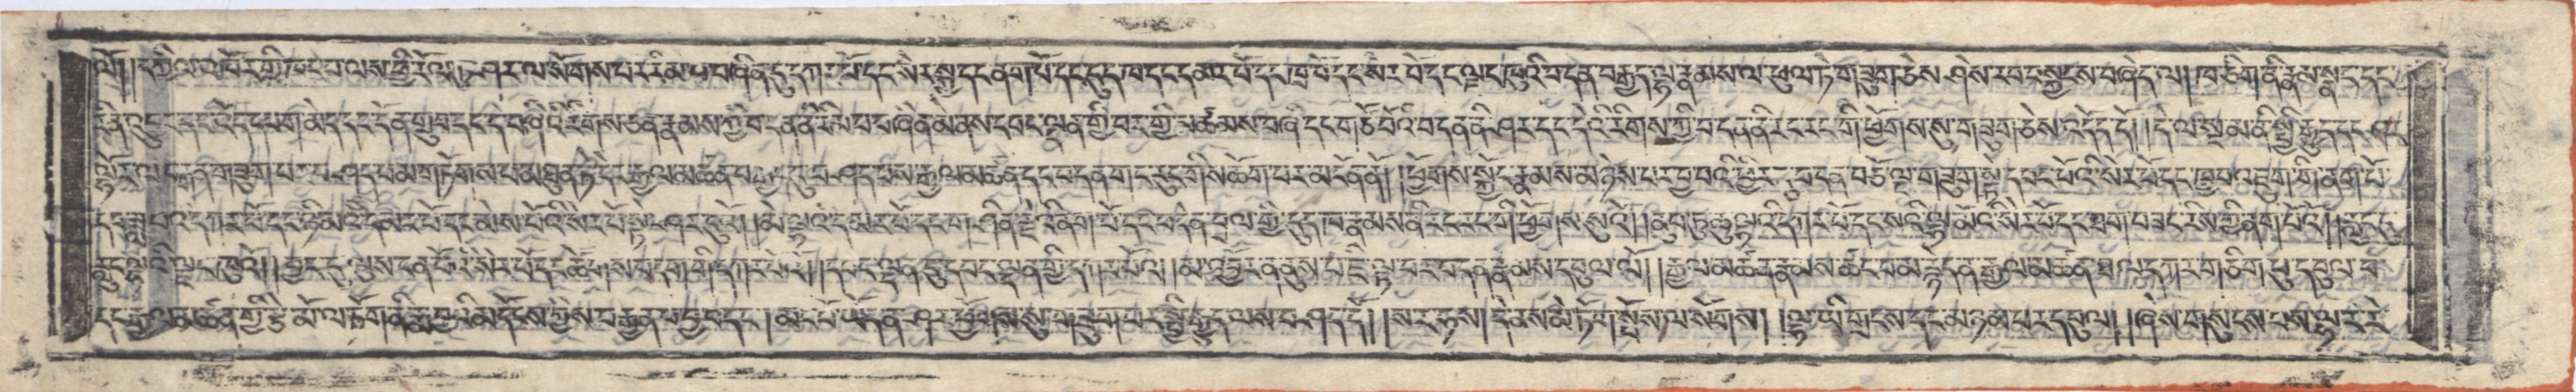ལོ། །དཀྱིལ་འཁོར་གྱི་ཁང་པ་ལས་ཕྱི་རོལ་ཏུ་ཤར་ལ་སོགས་པར་རིམ་པ་བཞིན་དུ་དཀར་པོ་དང་སེར་སྐྱ་དང་ནག་པོ་དང་དུད་ཁ་དང་དམར་པོ་དང་ཁྲ་བོ་དང་སེར་པོ་དང་ལྗང་ཁུའི་བ་དན་བརྒྱད་ལྷ་རྣམས་ལ་ཕུལ་ཏེ་གཟུག་ཅེས་ཤེས་རབ་བསྐྱངས་བཞེད་ལ། ཁ་ཅིག་ནི་རྣམ་སྣང་དང་
རིན་འབྱུང་དང་འོད་དཔག་མེད་དང་དོན་གྲུབ་དང་དེ་བཞིའི་རིགས་ཅན་རྣམས་ཀྱི་བ་དན་ནི་རིམ་པ་བཞིན་མེ་ནས་དབང་ལྡན་གྱི་བར་གྱི་མཚམས་བཞི་དང་གཙོ་བོའི་བ་དན་ནི་ཤར་དང་དེའི་རིགས་ཀྱི་བ་དན་ནི་རང་རང་གི་ཕྱོགས་སུ་གཟུག་ཅེས་འདོད་དོ། །དེ་ལ་སྔ་མ་ནི་སྤྱི་རྒྱུད་དང་ཤར་
ལྷོར་ལ་བ་རྒན་གཟུག་པར་བཤད་པ་མ་གཏོགས་པ་མཐུན་ཏེ་དེར་རྒྱལ་མཚན་བརྒྱད་དུ་བཤད་པས་རྒྱལ་མཚན་དང་བ་དན་གང་རུང་གིས་ཆོག་པར་མངོན་ནོ། །ཕྱོགས་སྐྱོང་རྣམས་མཉེས་པར་བྱ་བའི་ཕྱིར་དུ་བ་དན་བཅོ་ལྔ་གཟུག་སྟེ་དབང་པོའི་སེར་པོ་དང་ཁྱབ་འཇུག་གི་ནག་པོ་
དང་ཟླ་བའི་དཀར་པོ་དང་ཉི་མའི་དམར་པོ་དང་མེས་པོའི་སེར་པོ་སྟེ་ཤར་དུའོ། །མེ་ལྷའི་དམར་པོ་དང་གཤིན་རྗེའི་ནག་པོ་དང་བདེན་བྲལ་གྱི་དུད་ཁ་རྣམས་ནི་རང་རང་གི་ཕྱོགས་སུའོ། །ནུབ་ཏུ་ཆུ་ལྷའི་དཀར་པོ་དང་སའི་ལྷ་མོའི་སེར་པོ་དང་ཐག་བཟང་རིས་ཀྱི་ནག་པོའོ། །རླུང་དུ་
རླུང་ལྷའི་ལྗང་ཁུའོ། །བྱང་དུ་ལུས་ངན་པོའི་སེར་པོ་དང་ཚོགས་བདག་གི་དཀར་པོའོ། །དབང་ལྡན་དུ་དབང་ལྡན་གྱི་དཀར་པོའོ། །མ་འབྱོར་ན་ནུས་པ་ཇི་ལྟ་བར་བ་དན་རྣམས་དབུལ་ལོ། །རྒྱལ་མཚན་རྣམས་ཚང་བ་མ་རྙེད་ན་རྒྱལ་མཚན་ཐལ་དཀར་གཅིག་པུ་དབུལ་བ་
དང་རྒྱལ་མཚན་གྱི་རྩེ་མོ་ལ་ཏོག་ནི་རྨ་བྱའི་མདོངས་ཀྱིས་བརྒྱན་པ་བྱ་བ་དང་། མང་པོ་ཡོད་ན་ཤར་ཕྱོགས་སུ་གཟུག་པར་སྤྱི་རྒྱུད་ལས་བཤད་དོ། །ས་ར་ཧས། དེ་ནས་མེ་ཏོག་སྤོས་ལ་སོགས། །ལྷ་ཡི་གྲངས་དང་མཉམ་པར་དབུལ། །ཞེས་གསུངས་པས་ལྷ་རེ་རེ་